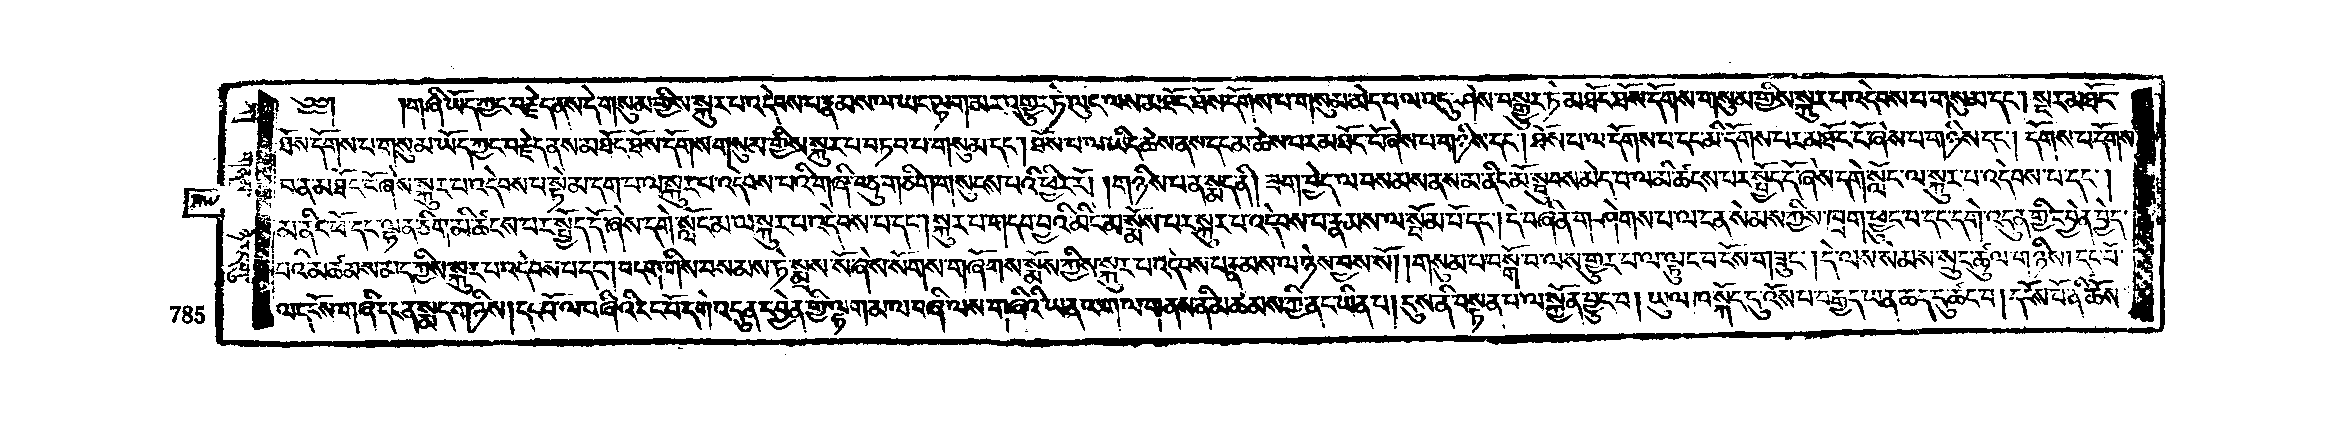༄༅། །གཞི་ཡོད་ཀྱང་བརྗེད་ནས་དེ་གསུམ་གྱིས་སྐུར་པ་འདེབས་པ་རྣམས་ལ་ཡང་ལྷག་མར་འགྱུར་ཏེ་ལུང་ལས་མཐོང་ཐོས་དོགས་པ་གསུམ་མེད་པ་ལ་འདུ་ཤེས་བསྒྱུར་ཏེ་མཐོང་ཐོས་དོགས་གསུམ་གྱིས་སྐུར་པ་འདེབས་པ་གསུམ་དང་། སྔར་མཐོང་
ཐོས་དོགས་པ་གསུམ་ཡོད་ཀྱང་བརྗེད་ནས་མཐོང་ཐོས་དོགས་གསུམ་གྱིས་སྐུར་པ་བཏབ་པ་གསུམ་དང་། ཐོས་པ་ལ་ཡིད་ཆེས་ནས་དང་མ་ཆེས་པར་མཐོང་ངོ་ཞེས་པ་གཉིས་དང་། ཐོས་པ་ལ་དོགས་པ་དང་མི་དོགས་པར་མཐོང་ངོ་ཞེས་པ་གཉིས་དང་། དོགས་པ་དོགས་
པ་ན་མཐོང་ངོ་ཞེས་སྐུར་པ་འདེབས་པ་སྟེ་མ་དག་པ་ལ་སྐུར་པ་འདེབས་པའི་གཞི་བཅུ་གཅིག་གསུངས་པའི་ཕྱིར་རོ། །གཉིས་པ་ན་སྨད་ནི། ཟག་བྱེད་ལ་བསམས་ནས་མ་ནིང་མོ་སྦུབས་མེད་པ་ལ་མི་ཚངས་པར་སྤྱོད་དོ་ཞེས་དགེ་སློང་ལ་སྐུར་པ་འདེབས་པ་དང་།
མ་ནིང་ཕོ་དང་ལྷན་ཅིག་མི་ཚངས་པར་སྤྱོད་དོ་ཞེས་དགེ་སློང་མ་ལ་སྐུར་པ་འདེབས་པ་དང་། སྐུར་པ་གདབ་བྱའི་མིང་མ་སྨོས་པར་སྐུར་པ་འདེབས་པ་རྣམས་ལ་སྦོམ་པོ་དང་། དེ་བཞིན་གཤེགས་པ་ལ་ངན་སེམས་ཀྱིས་ཁྲག་ཕྱུང་བ་དང་དགེ་འདུན་གྱི་དབྱེན་བྱེད་
པའི་མཚམས་མད་ཀྱིས་སྐུར་པ་འདེབས་པ་དང་། བདག་གིས་བསམས་ཏེ་སྨྲས་སོ་ཞེས་སོགས་གཞོགས་སྨོས་ཀྱིས་སྐུར་པ་འདེབས་པ་རྣམས་ལ་ཉེས་བྱས་སོ། །གསུམ་པ་བསྒོ་བ་ལས་གྱུར་པ་ལ་ལྟུང་བ་ངོས་གཟུང་། དེ་ལས་སེམས་སྲུང་ཚུལ་གཉིས། དང་པོ་
ལ་དངོས་གཞི་དང་ན་སྨད་གཉིས། དང་པོ་ལ་བཞིའི་དང་པོ་དགེ་འདུན་དབྱེན་གྱི་ལྷག་མ་ལ་བཞི་ལས་གཞིའི་ཡན་ལག་ལ་གནས་ནི་མཚམས་ཀྱི་ནང་ཡིན་པ། དུས་ནི་བསྟན་པ་ལ་སྐྱོན་བྱུང་བ། ཡུལ་ཁ་སྐོང་དུ་འོས་པ་བརྒྱད་ཡན་ཆད་དུ་ཚང་བ། དངོས་པོ་ནི་ཆོས་